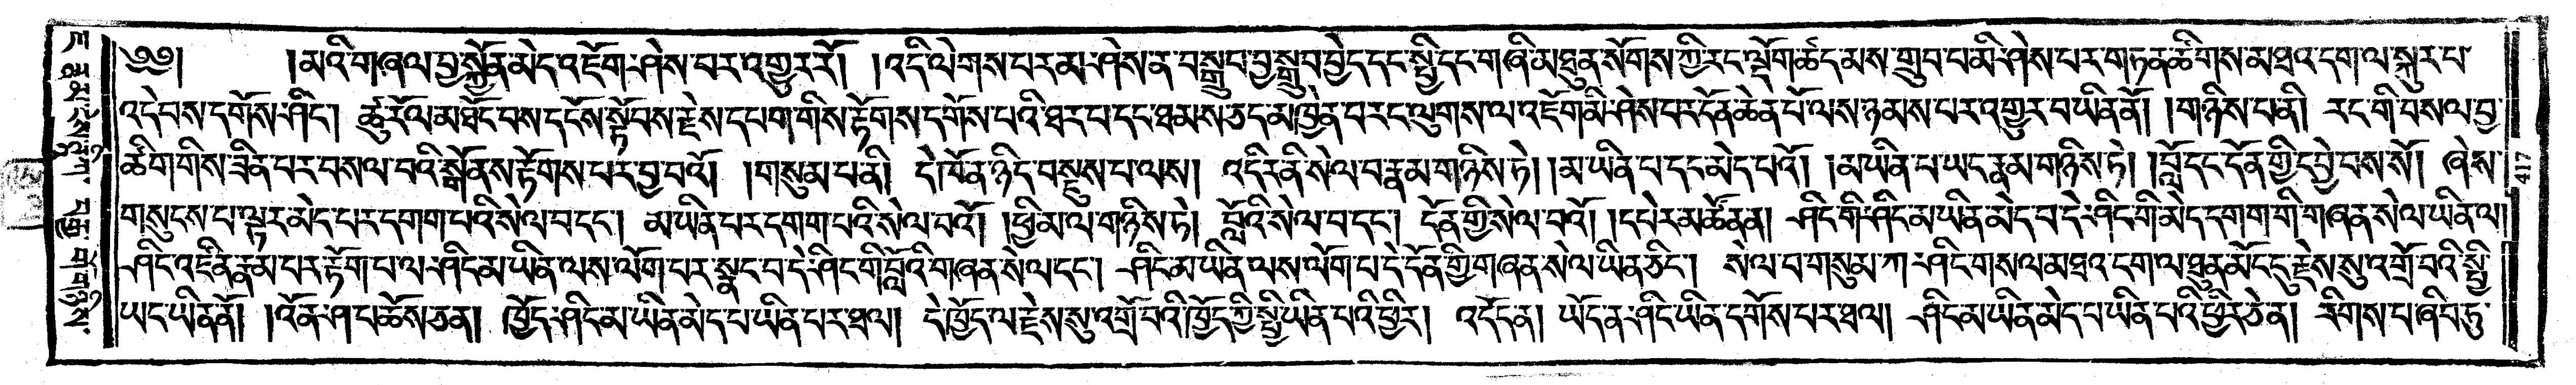༄༅། །མའི་གཞལ་བྱ་སྐྱོན་མེད་འཇོག་ཤེས་པར་འགྱུར་རོ། །འདི་ལེགས་པར་མ་ཤེས་ན་བསྒྲུབ་བྱ་སྒྲུབ་བྱེད་དང་སྤྱི་དང་གཞི་མཐུན་སོགས་ཀྱི་རང་ལྡོག་ཚད་མས་གྲུབ་པ་མི་ཤེས་པར་གཏན་ཚིགས་མཐའ་དག་ལ་སྐུར་པ་
འདེབས་དགོས་ཤིང་། ཚུ་རོལ་མཐོང་བས་དངོས་སྟོབས་རྗེས་དཔག་གིས་རྟོགས་དགོས་པའི་ཐར་པ་དང་ཐམས་ཅད་མཁྱེན་པ་རང་ལུགས་ལ་འཇོག་མི་ཤེས་པར་དོན་ཆེན་པོ་ལས་ཉམས་པར་འགྱུར་བ་ཡིན་ནོ། །གཉིས་པ་ནི། རང་གི་བསལ་བྱ་
ཚིག་གིས་ཟིན་པར་བསལ་བའི་སྒོ་ནས་རྟོགས་པར་བྱ་བའོ། །གསུམ་པ་ནི། དེ་ཁོ་ན་ཉིད་བསྡུས་པ་ལས། འདིར་ནི་སེལ་བ་རྣམ་གཉིས་ཏེ། །མ་ཡིན་པ་དང་མེད་པའོ། །མ་ཡིན་པ་ཡང་རྣམ་གཉིས་ཏེ། །བློ་དང་དོན་གྱི་དབྱེ་བས་སོ། ཞེས་
གསུངས་པ་ལྟར་མེད་པར་དགག་པའི་སེལ་བ་དང་། མ་ཡིན་པར་དགག་པའི་སེལ་བའོ། །ཕྱི་མ་ལ་གཉིས་ཏེ། བློའི་སེལ་བ་དང་། དོན་གྱི་སེལ་བའོ། །དཔེར་མཚོན་ན། ཤིང་གི་ཤིང་མ་ཡིན་མེད་པ་དེ་ཤིང་གི་མེད་དགག་གི་གཞན་སེལ་ཡིན་ལ།
ཤིང་འཛིན་རྣམ་པར་རྟོག་པ་ལ་ཤིང་མ་ཡིན་ལས་ལོག་པར་སྣང་བ་དེ་ཤིང་གི་བློའི་གཞན་སེལ་དང་། ཤིང་མ་ཡིན་ལས་ལོག་པ་དེ་དོན་གྱི་གཞན་སེལ་ཡིན་ཅིང་། སེལ་བ་གསུམ་ཀ་ཤིང་གསལ་མཐའ་དག་ལ་ཐུན་མོང་དུ་རྗེས་སུ་འགྲོ་བའི་སྤྱི་
ཡང་ཡིན་ནོ། །འོ་ན་ཤ་པ་ཆོས་ཅན། ཁྱོད་ཤིང་མ་ཡིན་མེད་པ་ཡིན་པར་ཐལ། དེ་ཁྱོད་ལ་རྗེས་སུ་འགྲོ་བའི་ཁྱོད་ཀྱི་སྤྱི་ཡིན་པའི་ཕྱིར། འདོད་ན། ཡོད་ན་ཤིང་ཡིན་དགོས་པར་ཐལ། ཤིང་མ་ཡིན་མེད་པ་ཡིན་པའི་ཕྱིར་ཅེ་ན། རིགས་པ་ཞིབ་ཏུ་